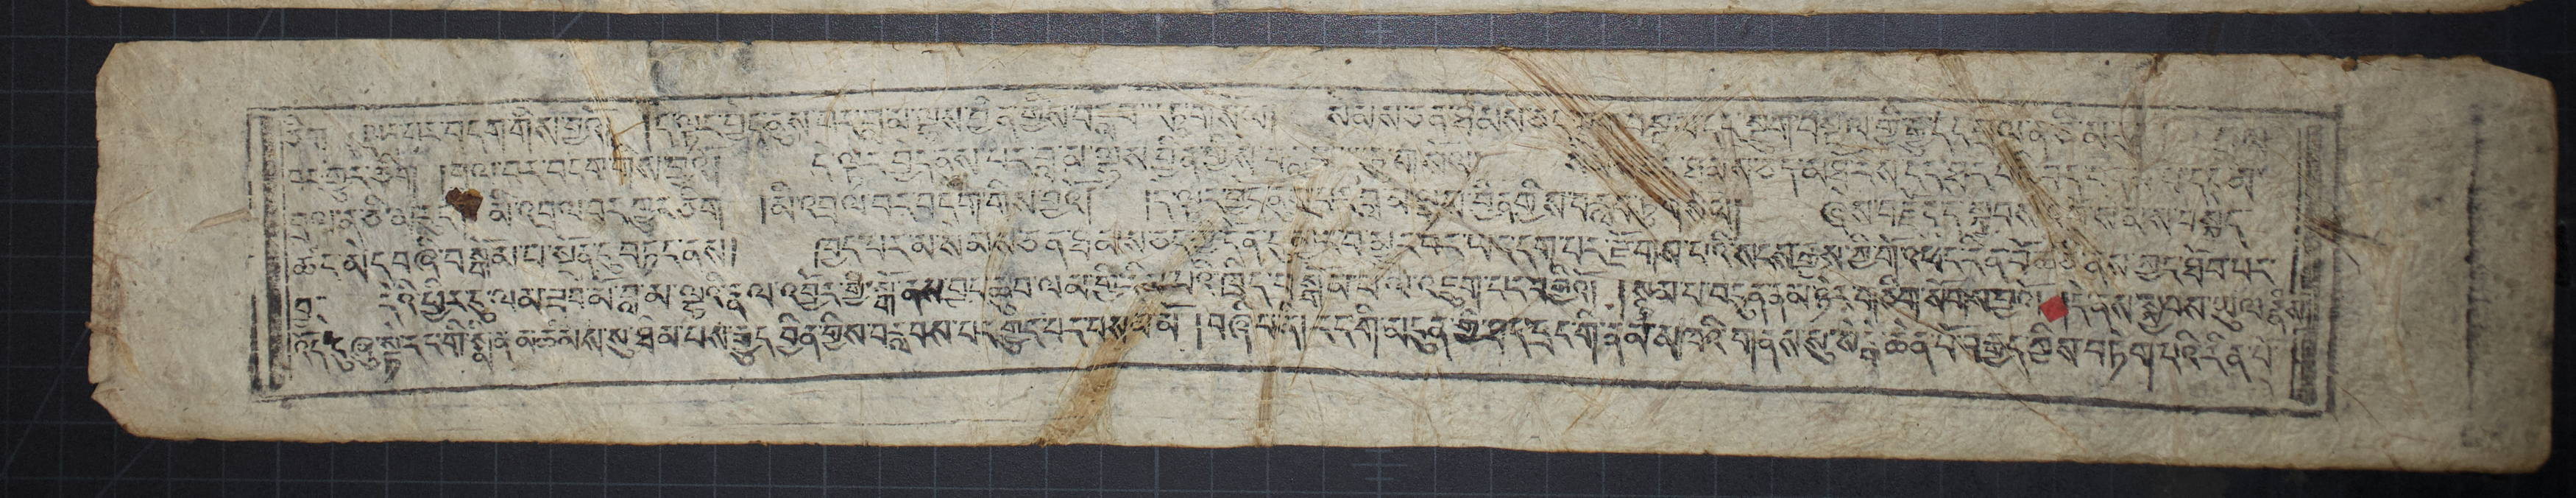ཅིག །ལྡན་པར་བདག་གིས་བྱའོ། །དེ་ལྟར་བྱེད་ནུས་པར་བླ་མ་ལྷས་བྱིན་གྱིས་བརླབ་ཏུ་གསོལ། སེམས་ཅན་ཐམས་ཅད་སྡུག་བསྔལ་དང་སྡུག་བསྔལ་གྱི་རྒྱུ་དང་བྲལ་ན་ཅི་མ་རུང་། བྲལ་
བར་གྱུར་ཅིག །བྲལ་བར་བདག་གིས་བྱའོ། དེ་ལྟར་བྱེད་ནུས་པར་བླ་མ་ལྷས་བྱིན་གྱིས་བརླབ་ཏུ་གསོལ། སེམས་ཅན་ཐམས་ཅད་མཐོ་རིས་དང་ཐར་པའི་བདེ་བ་དམ་པ་དང་མ་
བྲལ་ན་ཅི་མ་རུང་། མི་འབྲལ་བར་གྱུར་ཅིག །མི་འགྲེལ་བར་བདག་གིས་བྱའོ། །དེ་ལྟར་བྱེད་ནུས་པར་བླ་མ་ལྷས་བྱིན་གྱིས་བརླབ་ཏུ་གསོལ། ཞེས་བརྗོད་དེ་སྐྱབས་འགྲོ་སེམས་བསྐྱེད།
ཚད་མེད་བཞི་བསྒོམ་པ་སྔོན་དུ་བཏང་ནས། ཁྱད་པར་མ་སེམས་ཅན་ཐམས་ཅད་ཀྱི་དོན་དུ་མྱུར་བ་མྱུར་བར་ཡང་དག་པར་རྫོགས་པའི་སངས་རྒྱས་ཀྱི་གོ་འཕང་རིན་པོ་ཆེ་ཅི་ནས་ཀྱང་ཐོབ་པར་
བྱ། དེའི་ཕྱིར་དུ་ལམ་ཟབ་མོ་བླ་མ་ལྷའི་རྣལ་འབྱོར་གྱི་སྒོ་ནས་བྱང་ཆུབ་ལམ་གྱི་རིམ་པའི་ཁྲིད་བསྒོམ་པ་ལ་འཇུག་པར་བགྱིའོ། །སྙམ་པ་བདུན་ནམ་ཉེར་གཅིག་སོགས་བྱའོ། །དེ་ནས་སྐྱབས་ཡུལ་རྣམས་
འོད་དུ་ཞུ་སྟེ་རང་གི་སྨིན་མཚམས་སུ་ཐིམ་པས་རྒྱུད་བྱིན་གྱིས་བརླབས་པར་གྱུར་པར་བསམ་མོ། །བཞི་པ་ནི། རང་གི་མདུན་གྱི་ཐད་དྲང་གི་ནམ་མཁའི་གནས་སུ་སེངྒེ་ཆེན་པོ་བརྒྱད་ཀྱིས་བཏེག་པའི་རིན་པོ་